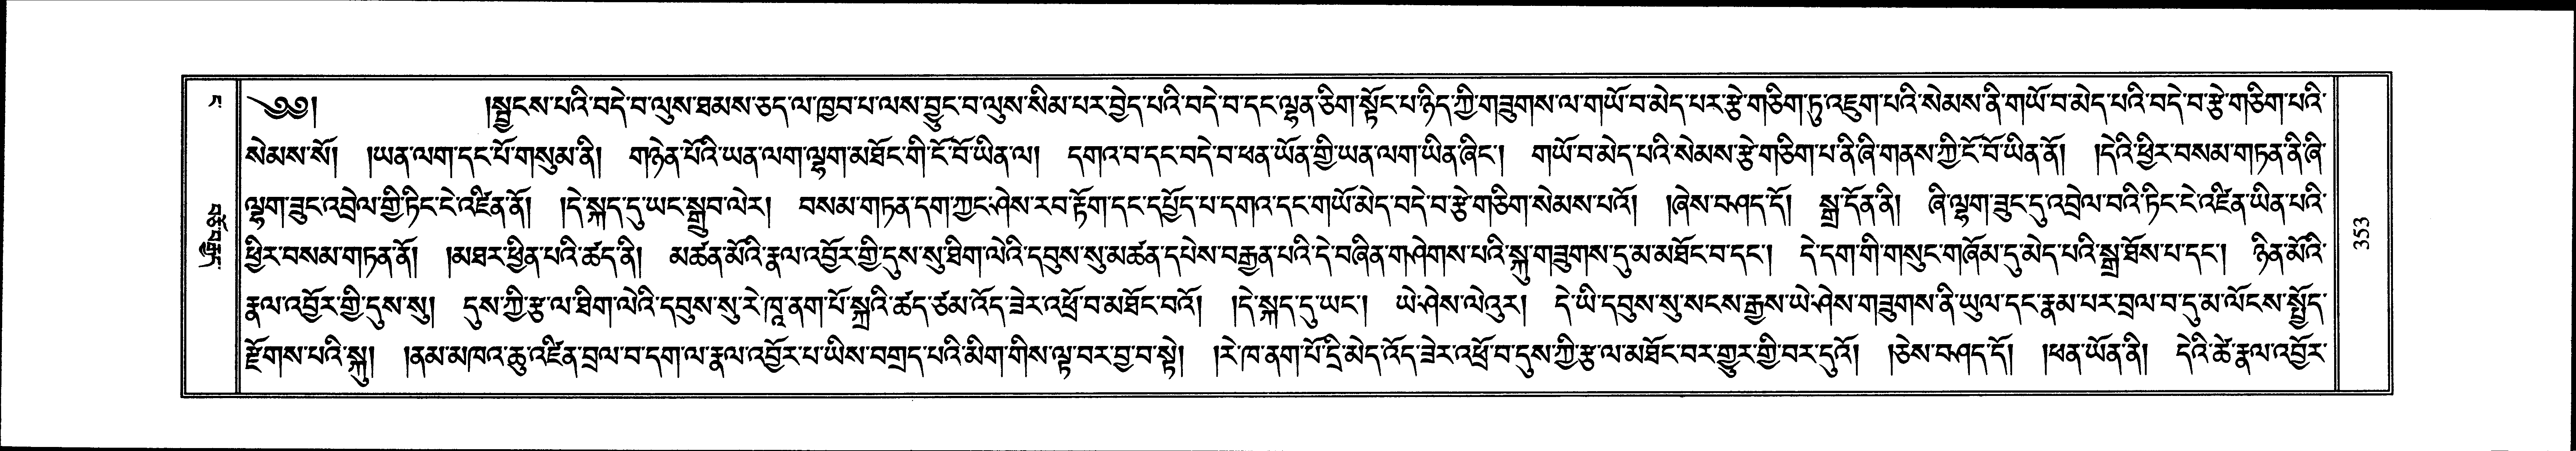༄༅། །སྦྱངས་པའི་བདེ་བ་ལུས་ཐམས་ཅད་ལ་ཁྱབ་པ་ལས་བྱུང་བ་ལུས་སིམ་པར་བྱེད་པའི་བདེ་བ་དང་ལྷན་ཅིག་སྟོང་པ་ཉིད་ཀྱི་གཟུགས་ལ་གཡོ་བ་མེད་པར་རྩེ་གཅིག་ཏུ་འཇུག་པའི་སེམས་ནི་གཡོ་བ་མེད་པའི་བདེ་བ་རྩེ་གཅིག་པའི་
སེམས་སོ། །ཡན་ལག་དང་པོ་གསུམ་ནི། གཉེན་པོའི་ཡན་ལག་ལྷག་མཐོང་གི་ངོ་བོ་ཡིན་ལ། དགའ་བ་དང་བདེ་བ་ཕན་ཡོན་གྱི་ཡན་ལག་ཡིན་ཞིང་། གཡོ་བ་མེད་པའི་སེམས་རྩེ་གཅིག་པ་ནི་ཞི་གནས་ཀྱི་ངོ་བོ་ཡིན་ནོ། །དེའི་ཕྱིར་བསམ་གཏན་ནི་ཞི་
ལྷག་ཟུང་འབྲེལ་གྱི་ཏིང་ངེ་འཛིན་ནོ། །དེ་སྐད་དུ་ཡང་སྒྲུབ་ལེར། བསམ་གཏན་དག་ཀྱང་ཤེས་རབ་རྟོག་དང་དཔྱོད་པ་དགའ་དང་གཡོ་མེད་བདེ་བ་རྩེ་གཅིག་སེམས་པའོ། །ཞེས་བཤད་དོ། སྒྲ་དོན་ནི། ཞི་ལྷག་ཟུང་དུ་འབྲེལ་བའི་ཏིང་ངེ་འཛིན་ཡིན་པའི་
ཕྱིར་བསམ་གཏན་ནོ། །མཐར་ཕྱིན་པའི་ཚད་ནི། མཚན་མོའི་རྣལ་འབྱོར་གྱི་དུས་སུ་ཐིག་ལེའི་དབུས་སུ་མཚན་དཔེས་བརྒྱན་པའི་དེ་བཞིན་གཤེགས་པའི་སྐུ་གཟུགས་དུ་མ་མཐོང་བ་དང་། དེ་དག་གི་གསུང་གཞོམ་དུ་མེད་པའི་སྒྲ་ཐོས་པ་དང་། ཉིན་མོའི་
རྣལ་འབྱོར་གྱི་དུས་སུ། དུས་ཀྱི་རྩ་ལ་ཐིག་ལེའི་དབུས་སུ་རེ་ཁཱ་ནག་པོ་སྐྲའི་ཚད་ཙམ་འོད་ཟེར་འཕྲོ་བ་མཐོང་བའོ། །དེ་སྐད་དུ་ཡང་། ཡེ་ཤེས་ལེའུར། དེ་ཡི་དབུས་སུ་སངས་རྒྱས་ཡེ་ཤེས་གཟུགས་ནི་ཡུལ་དང་རྣམ་པར་བྲལ་བ་དུ་མ་ལོངས་སྤྱོད་
རྫོགས་པའི་སྐུ། །ནམ་མཁའ་ཆུ་འཛིན་བྲལ་བ་དག་ལ་རྣལ་འབྱོར་པ་ཡིས་བགྲད་པའི་མིག་གིས་ལྟ་བར་བྱ་བ་སྟེ། །རེ་ཁ་ནག་པོ་དྲི་མེད་འོད་ཟེར་འཕྲོ་བ་དུས་ཀྱི་རྩ་ལ་མཐོང་བར་གྱུར་གྱི་བར་དུའོ། །ཅེས་བཤད་དོ། །ཕན་ཡོན་ནི། དེའི་ཚེ་རྣལ་འབྱོར་